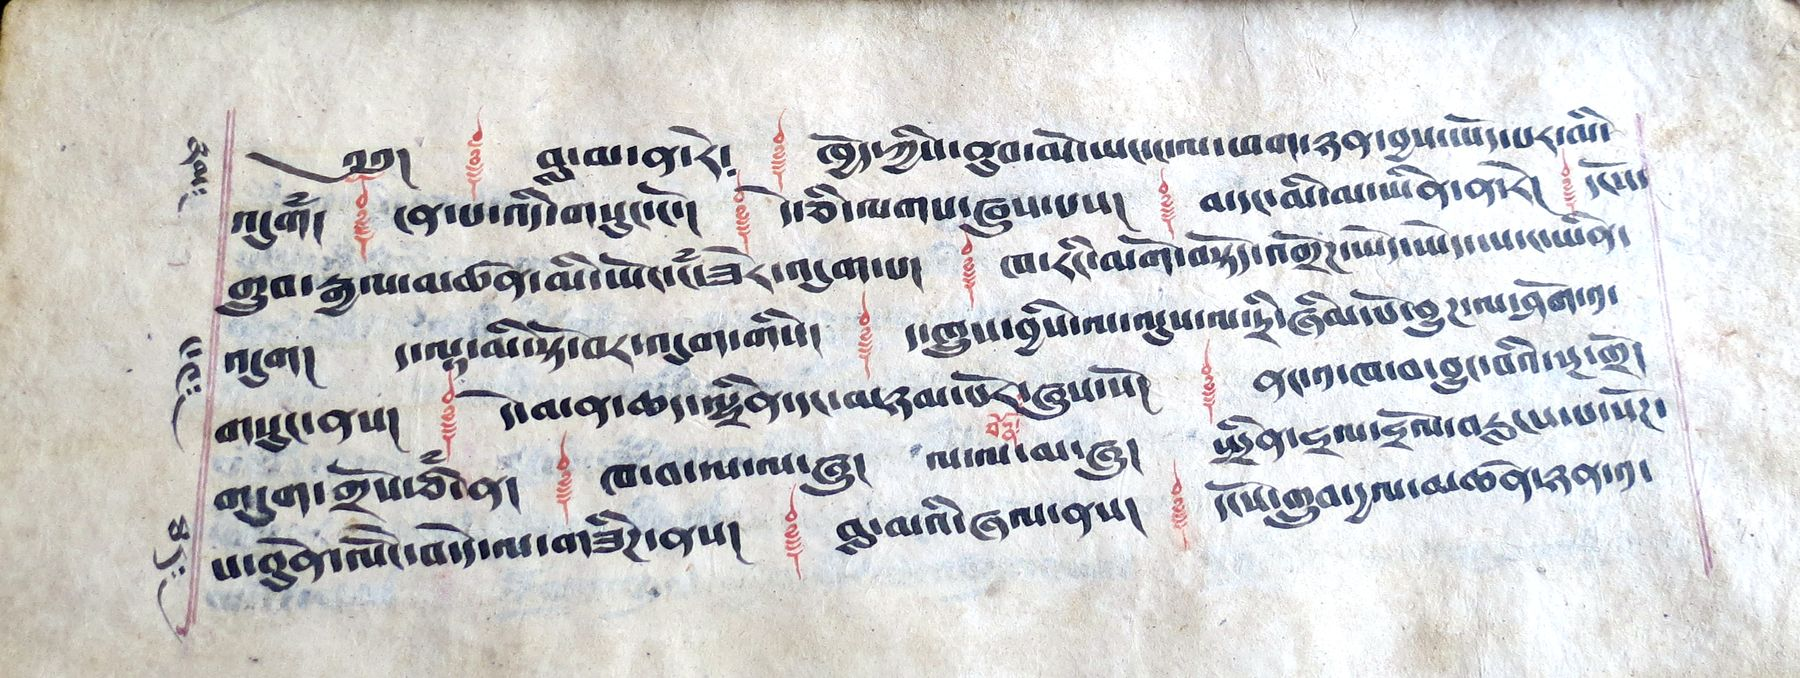བླ་མས་ན་རེ་ཁྱོད་ཀྱིས་ནུབ་མོ་ཡང་ང་ལ་ཕག་ཉན་བྱས་ཡོད་པར་མི་
འདུག་གམ། ངན་པ་འདི་གསུངས་སོ། ། དེ་ཅི་ལགས་ཞུས་པས། མི་དང་མི་མ་ཡིན་ན་རེ། དངོས་
གྲུབ་རྒྱལ་མཚན་མི་ཡོང་ངམ་ཟེར་འདུག་པ་ཁ་སེང་འགོ་སྟོད། འགྲོག་ཡེད་ཡེད་ཡ་ང་ཡིན་
འདུག ད་ལྟ་མི་ལྟོ་བར་འདུག་གི། ད་ཁྲུས་གྱིས་ལ་ལུས་ལ་དྲི་ཞིམ་པོ་བྱུགས་ལ་ཤོག་ཅིག་
གསུངས་ནས། དེ་མན་ཆོད་མི་མ་ཡིན་དང་མཉམ་པོར་བོན་ཞུས་སོ། ། ནང་ཞིག་ཁ་བ་བྱུང་བའི་སྔ་དྲོ་
གདུགས་དྲོས་ཙམ་ན། ཁ་བ་ལ་ལ་ཞུ། ལ་ལ་མ་ཞུ། སྤྲིན་ཧྲལ་ཧྲོལ་རླངས་པ་ལས་སོགས་
པ་བུན་ནེ་ལོང་ངེ་བ་དེ་ལ་གཟིགས་ནས། བླ་མའི་ཞལ་ནས་དངོས་གྲུབ་རྒྱལ་མཚན་ཉོན་ཅིག་